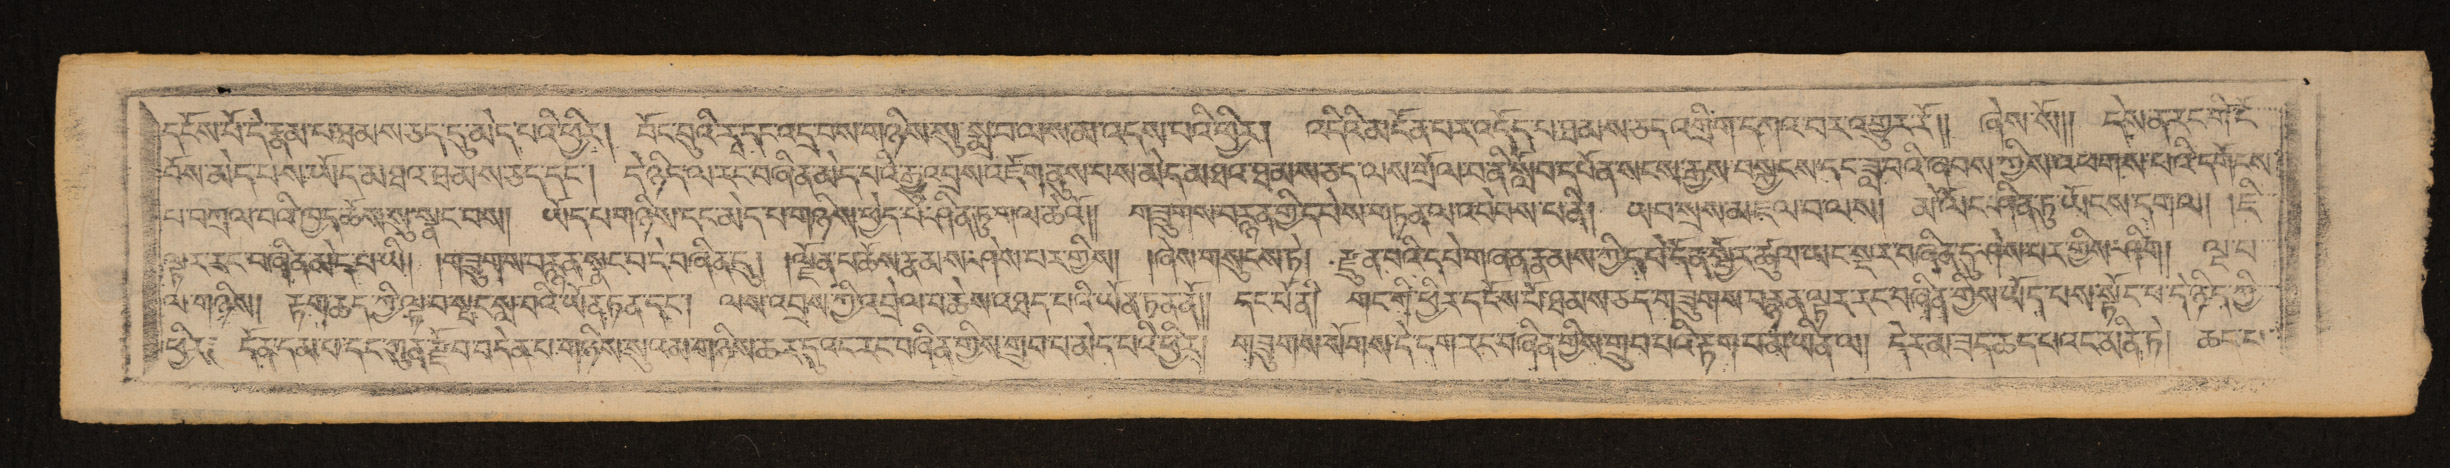དངོས་པོ་དེ་རྣམ་པ་ཐམས་ཅད་དུ་མེད་པའི་ཕྱིར། བོང་བུའི་རྭ་དང་འདྲ་བས་གཉིས་སུ་སྨྲ་བ་ལས་མ་འདས་པའི་ཕྱིར། འདིའི་མངོན་པར་འདོད་པ་ཐམས་ཅད་འགྲིག་དཀའ་བར་འགྱུར་རོ།། ཞེས་སོ།། དེས་ན་རང་གི་ངོ་
བོས་མེད་པས་ཡོད་མཐའ་ཐམས་ཅད་དང་། དེ་ཉིད་ལ་རང་བཞིན་མེད་པའི་རྒྱུ་འབྲས་འཇོག་ནུས་པས་མེད་མཐའ་ཐམས་ཅད་ལས་གྲོལ་བ་ནི་སློབ་དཔོན་སངས་རྒྱས་བསྐྱངས་དང་ཟླ་བའི་ཞབས་ཀྱིས་འཕགས་པའི་དགོངས་
པ་བཀྲལ་བའི་ཁྱད་ཆོས་སུ་སྣང་བས། ཡོད་པ་གཉིས་དང་མེད་པ་གཉིས་ཕྱེད་པ་ཤིན་ཏུ་གལ་ཆེའོ།། གཟུགས་བརྙན་གྱི་དཔེས་གཏན་ལ་འབེབས་པ་ནི། ཡབ་སྲས་མཇལ་བ་ལས། མེ་ལོང་ཤིན་ཏུ་ཡོངས་དག་ལ། །ཇི་
ལྟར་རང་བཞིན་མེད་པ་ཡི། །གཟུགས་བརྙན་སྣང་བ་དེ་བཞིན་དུ། །ལྗོན་པ་ཆོས་རྣམས་ཤེས་པར་གྱིས། །ཞེས་གསུངས་ཏེ། རྫུན་པའི་དཔེ་གཞན་རྣམས་ཀྱི་དཔེ་དོན་སྦྱོར་ཚུལ་ཡང་སྔར་བཞིན་དུ་ཤེས་པར་གྱིས་ཤིག། ལྔ་པ་
ལ་གཉིས། རྟག་ཆད་ཀྱི་ལྟ་བ་སྤང་སླ་བའི་ཡོན་ཏན་དང་། ལས་འབྲས་ཀྱི་འབྲེལ་བ་ཆེས་འཐད་པའི་ཡོན་ཏན་ནོ།། དང་པོ་ནི། གང་གི་ཕྱིར་དངོས་པོ་ཐམས་ཅད་གཟུགས་བརྙན་ལྟར་རང་བཞིན་གྱིས་ཡོད་པས་སྟོང་པ་དེ་ཉིད་ཀྱི་
ཕྱིར༑ དོན་དམ་པ་དང་ཀུན་རྫོབ་བདེན་པ་གཉིས་སུའམ་གཉིས་ཆར་དུའང་རང་བཞིན་གྱིས་གྲུབ་པ་མེད་པའི་ཕྱིར། གཟུགས་སོགས་དེ་དག་རང་བཞིན་གྱིས་གྲུབ་པའི་རྟག་པ་མ་ཡིན་ལ། དེར་མ་ཟད་ཆད་པའང་མིན་ཏེ། ཆད་པ་